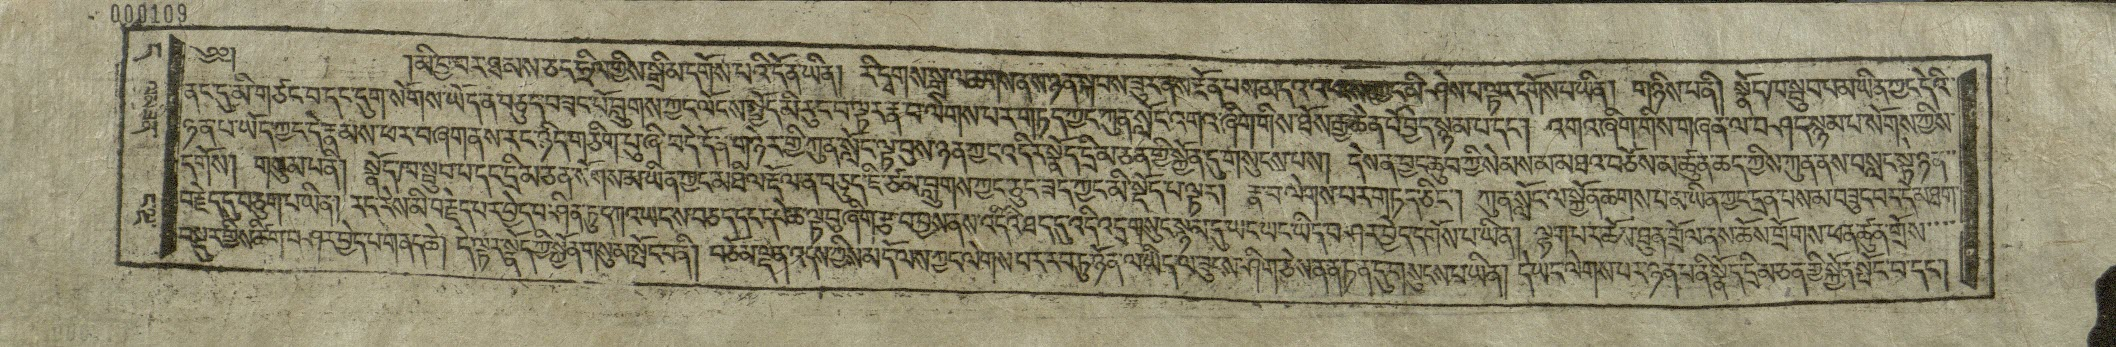༄༅། །མི་བྱ་བར་ཐམས་ཅད་ཧྲིལ་གྱིས་སྒྲིམ་དགོས་པའི་དོན་ཡིན། རི་དྭགས་སྒྲ་ལ་ཆགས་ནས་ཉན་སྐབས་ཟུར་ནས་རྔོན་པས་མདའ་འཕངས་ཀྱང་མི་ཤེས་པ་ལྟར་དགོས་པ་ཡིན། གཉིས་པ་ནི། སྣོད་ཁ་སྦུབ་པ་མ་ཡིན་ཀྱང་དེའི་
ནང་དུ་མི་གཙང་བ་དང་དུག་སོགས་ཡོད་ན་བཅུད་བཟང་པོ་བླུགས་ཀྱང་ལོངས་སྤྱོད་མི་རུང་བ་ལྟར་རྣ་བ་ལེགས་པར་གཏད་ཀྱང་ཀུན་སློང་འགའ་ཞིག་གིས་ཐོས་རྒྱ་ཆེན་པོ་བྱེད་སྙམ་པ་དང་། འགའ་ཞིག་གིས་གཞན་ལ་བཤད་སྙམ་པ་སོགས་ཀྱིས་
ཉན་པ་ཡོད་ཀྱང་དེ་རྣམས་ཕར་བཞག་ནས་རང་ཉིད་གཅིག་པུ་ཞི་བདེ་དོན་གཉེར་གྱི་ཀུན་སློང་ལྟ་བུས་ཉན་ཀྱང་འདིར་སྣོད་དྲི་མ་ཅན་གྱི་སྐྱོན་དུ་གསུངས་པས། དེས་ན་བྱང་ཆུབ་ཀྱི་སེམས་མ་མཐའ་བཅོས་མ་ཚུན་ཆད་ཀྱིས་ཀུན་ནས་བསླང་སྟེ་ཉན་
དགོས། གསུམ་པ་ནི། སྣོད་ཁ་སྦུབ་པ་དང་དྲི་མ་ཅན་སོགས་མ་ཡིན་ཀྱང་མཐིལ་རྡོལ་ན་བཅུད་ཇི་ཙམ་བླུགས་ཀྱང་ཅུང་ཟད་ཀྱང་མི་སྡོད་པ་ལྟར། རྣ་བ་ལེགས་པར་གཏད་ཅིང་། ཀུན་སློང་ལ་སྐྱོན་ཆགས་པ་མ་ཡིན་ཀྱང་དྲན་པས་མ་བཟུང་བར་དེ་མ་ཐག་
བརྗེད་དུ་བཅུག་པ་ཡིན། རང་རེས་མི་བརྗེད་པར་བྱེད་པ་ཤིན་ཏུ་དཀའ་ཡང་ས་བཅད་དང་དཔེ་ཆ་ལྟ་བུ་ཞིག་རྩ་བ་བྱས་ནས་འདིའི་ཐད་དུ་འདི་འདྲ་གསུང་སྙམ་དུ་ཡང་ཡང་ཡིད་བཤར་བྱེད་དགོས་པ་ཡིན། ལྷག་པར་ཆོས་ཐུན་གྲོལ་ནས་ཆོས་གྲོགས་ཕན་ཚུན་གྲོས་
བསྡུར་གྱིས་ཚིག་བཤར་བྱེད་པ་གནད་ཆེ། དེ་ལྟར་སྣོད་ཀྱི་སྐྱོན་གསུམ་སྤོང་བ་ནི། བཅོམ་ལྡན་འདས་ཀྱིས་མདོ་ལས་ཀྱང་ལེགས་པར་རབ་ཏུ་ཉོན་ལ་ཡིད་ལ་ཟུངས་ཤིག་ཅེས་ནན་ཏན་དུ་གསུངས་པ་ཡིན། དེ་ཡང་ལེགས་པར་ཉན་པ་ནི་སྣོད་དྲི་མ་ཅན་གྱི་སྐྱོན་སྤོང་བ་དང་།